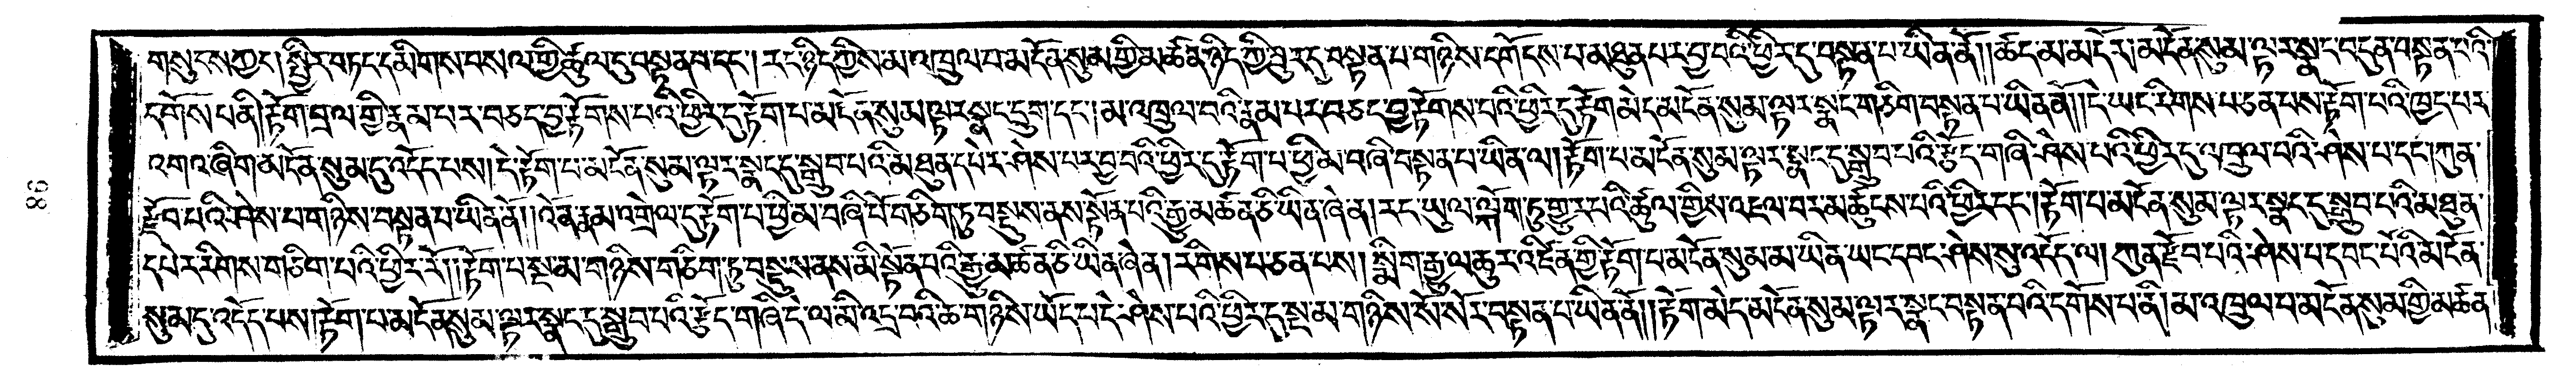གསུངས་ཀྱང་། སྤྱིར་བཏང་དམིགས་བསལ་གྱི་ཚུལ་དུ་བསྟན་པ་དང་། རང་ཉིད་ཀྱིས་མ་འཁྲུལ་པ་མངོན་སུམ་གྱི་མཚན་ཉིད་ཀྱི་ཟུར་དུ་བསྟན་པ་གཉིས་དགོངས་པ་མཐུན་པར་བྱ་བའི་ཕྱིར་དུ་བསྟན་པ་ཡིན་ནོ། །ཚད་མ་མདོར། མངོན་སུམ་ལྟར་སྣང་བདུན་བསྟན་པའི་
དགོས་པ་ནི། རྟོག་བྲལ་གྱི་རྣམ་པར་བཅད་བྱ་རྟོགས་པའི་ཕྱིར་དུ་རྟོག་པ་མངོན་སུམ་ལྟར་སྣང་དྲུག་དང་། མ་འཁྲུལ་བའི་རྣམ་པར་བཅད་བྱ་རྟོགས་པའི་ཕྱིར་དུ་རྟོག་མེད་མངོན་སུམ་ལྟར་སྣང་གཅིག་བསྟན་པ་ཡིན་ནོ། །དེ་ཡང་རིགས་པ་ཅན་པས་རྟོག་པའི་ཁྱད་པར་
འགའ་ཞིག་མངོན་སུམ་དུ་འདོད་པས། དེ་རྟོག་པ་མངོན་སུམ་ལྟར་སྣང་དུ་སྒྲུབ་པའི་མཐུན་དཔེར་ཤེས་པར་བྱ་བའི་ཕྱིར་དུ་རྟོག་པ་ཕྱི་མ་བཞི་བསྟན་པ་ཡིན་ལ། རྟོག་པ་མངོན་སུམ་ལྟར་སྣང་དུ་སྒྲུབ་པའི་རྩོད་གཞི་ཤེས་པའི་ཕྱིར་དུ་འཁྲུལ་བའི་ཤེས་པ་དང་། ཀུན་
རྫོབ་པའི་ཤེས་པ་གཉིས་བསྟན་པ་ཡིན་ནོ། །འོ་ན་རྣམ་འགྲེལ་དུ་རྟོག་པ་ཕྱི་མ་བཞི་པོ་གཅིག་ཏུ་བསྡུས་ནས་སྟོན་པའི་རྒྱུ་མཚན་ཅི་ཡིན་ཞེ་ན། རང་ཡུལ་ལྐོག་ཏུ་གྱུར་པའི་ཚུལ་གྱིས་འཇལ་བར་མཚུངས་པའི་ཕྱིར་དང་། རྟོག་པ་མངོན་སུམ་ལྟར་སྣང་དུ་སྒྲུབ་པའི་མཐུན་
དཔེར་རིགས་གཅིག་པའི་ཕྱིར་རོ། །རྟོག་པ་སྔ་མ་གཉིས་གཅིག་ཏུ་བསྡུས་ནས་མི་སྟོན་པའི་རྒྱུ་མཚན་ཅི་ཡིན་ཞེ་ན། རིགས་པ་ཅན་པས། སྨིག་རྒྱུ་ལ་ཆུར་འཛིན་གྱི་རྟོག་པ་མངོན་སུམ་མ་ཡིན་ཡང་དབང་ཤེས་སུ་འདོད་ལ། ཀུན་རྫོབ་པའི་ཤེས་པ་དབང་པོའི་མངོན་
སུམ་དུ་འདོད་པས། རྟོག་པ་མངོན་སུམ་ལྟར་སྣང་དུ་སྒྲུབ་པའི་རྩོད་གཞི་དེ་ལ་མི་འདྲ་བའི་ཆ་གཉིས་ཡོད་པ་དེ་ཤེས་པའི་ཕྱིར་དུ་སྔ་མ་གཉིས་སོ་སོར་བསྟན་པ་ཡིན་ནོ། །རྟོག་མེད་མངོན་སུམ་ལྟར་སྣང་བསྟན་པའི་དགོས་པ་ནི། མ་འཁྲུལ་བ་མངོན་སུམ་གྱི་མཚན་